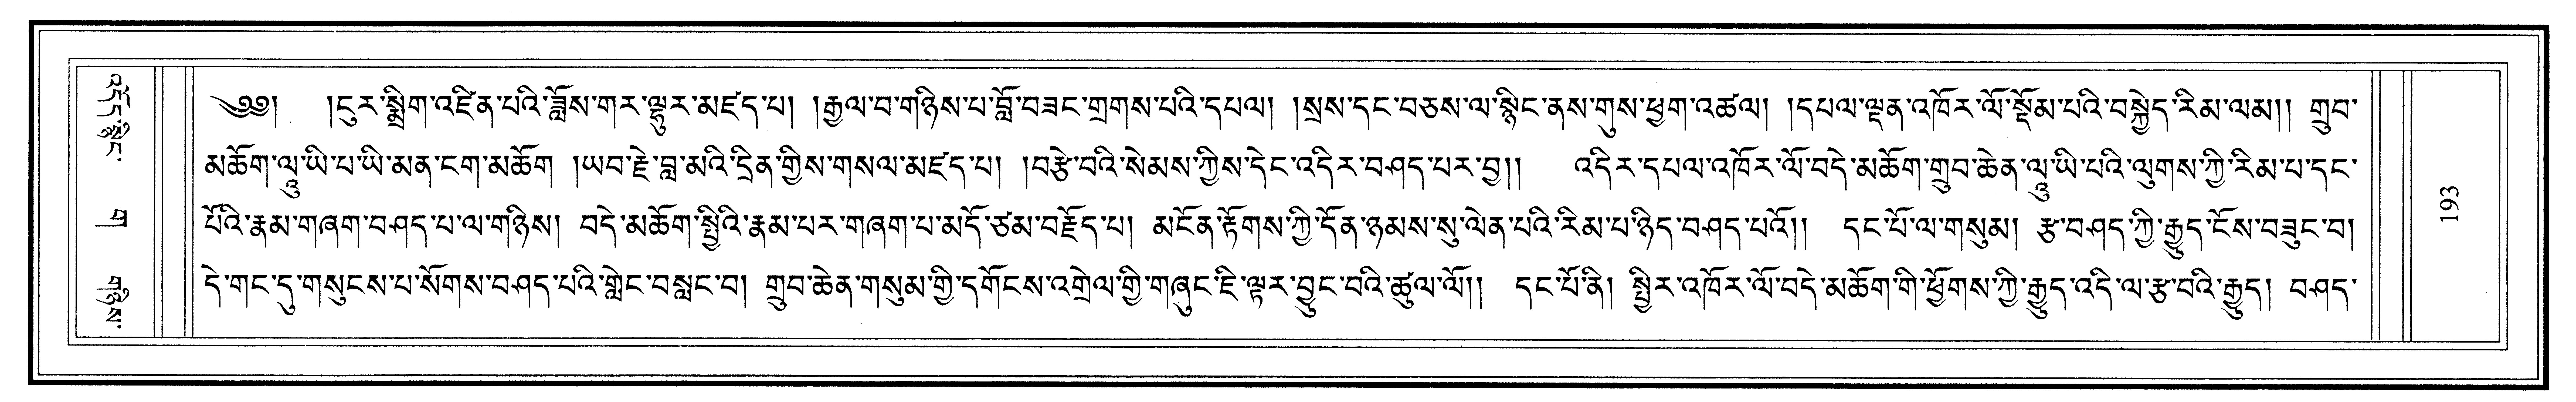༄༅། །ངུར་སྨྲིག་འཛིན་པའི་ཟློས་གར་ལྷུར་མཛད་པ། །རྒྱལ་བ་གཉིས་པ་བློ་བཟང་གྲགས་པའི་དཔལ། །སྲས་དང་བཅས་ལ་སྙིང་ནས་གུས་ཕྱག་འཚལ། །དཔལ་ལྡན་འཁོར་ལོ་སྡོམ་པའི་བསྐྱེད་རིམ་ལམ། གྲུབ་
མཆོག་ལཱུ་ཡི་པ་ཡི་མན་ངག་མཆོག །ཡབ་རྗེ་བླ་མའི་དྲིན་གྱིས་གསལ་མཛད་པ། །བརྩེ་བའི་སེམས་ཀྱིས་དེང་འདིར་བཤད་པར་བྱ།། འདིར་དཔལ་འཁོར་ལོ་བདེ་མཆོག་གྲུབ་ཆེན་ལཱུ་ཡི་པའི་ལུགས་ཀྱི་རིམ་པ་དང་
པོའི་རྣམ་གཞག་བཤད་པ་ལ་གཉིས། བདེ་མཆོག་སྤྱིའི་རྣམ་པར་གཞག་པ་མདོ་ཙམ་བརྗོད་པ། མངོན་རྟོགས་ཀྱི་དོན་ཉམས་སུ་ལེན་པའི་རིམ་པ་ཉིད་བཤད་པའོ།། དང་པོ་ལ་གསུམ། རྩ་བཤད་ཀྱི་རྒྱུད་ངོས་བཟུང་བ།
དེ་གང་དུ་གསུངས་པ་སོགས་བཤད་པའི་གླེང་བསླང་བ། གྲུབ་ཆེན་གསུམ་གྱི་དགོངས་འགྲེལ་གྱི་གཞུང་ཇི་ལྟར་བྱུང་བའི་ཚུལ་ལོ།། དང་པོ་ནི། སྤྱིར་འཁོར་ལོ་བདེ་མཆོག་གི་ཕྱོགས་ཀྱི་རྒྱུད་འདི་ལ་རྩ་བའི་རྒྱུད། བཤད་